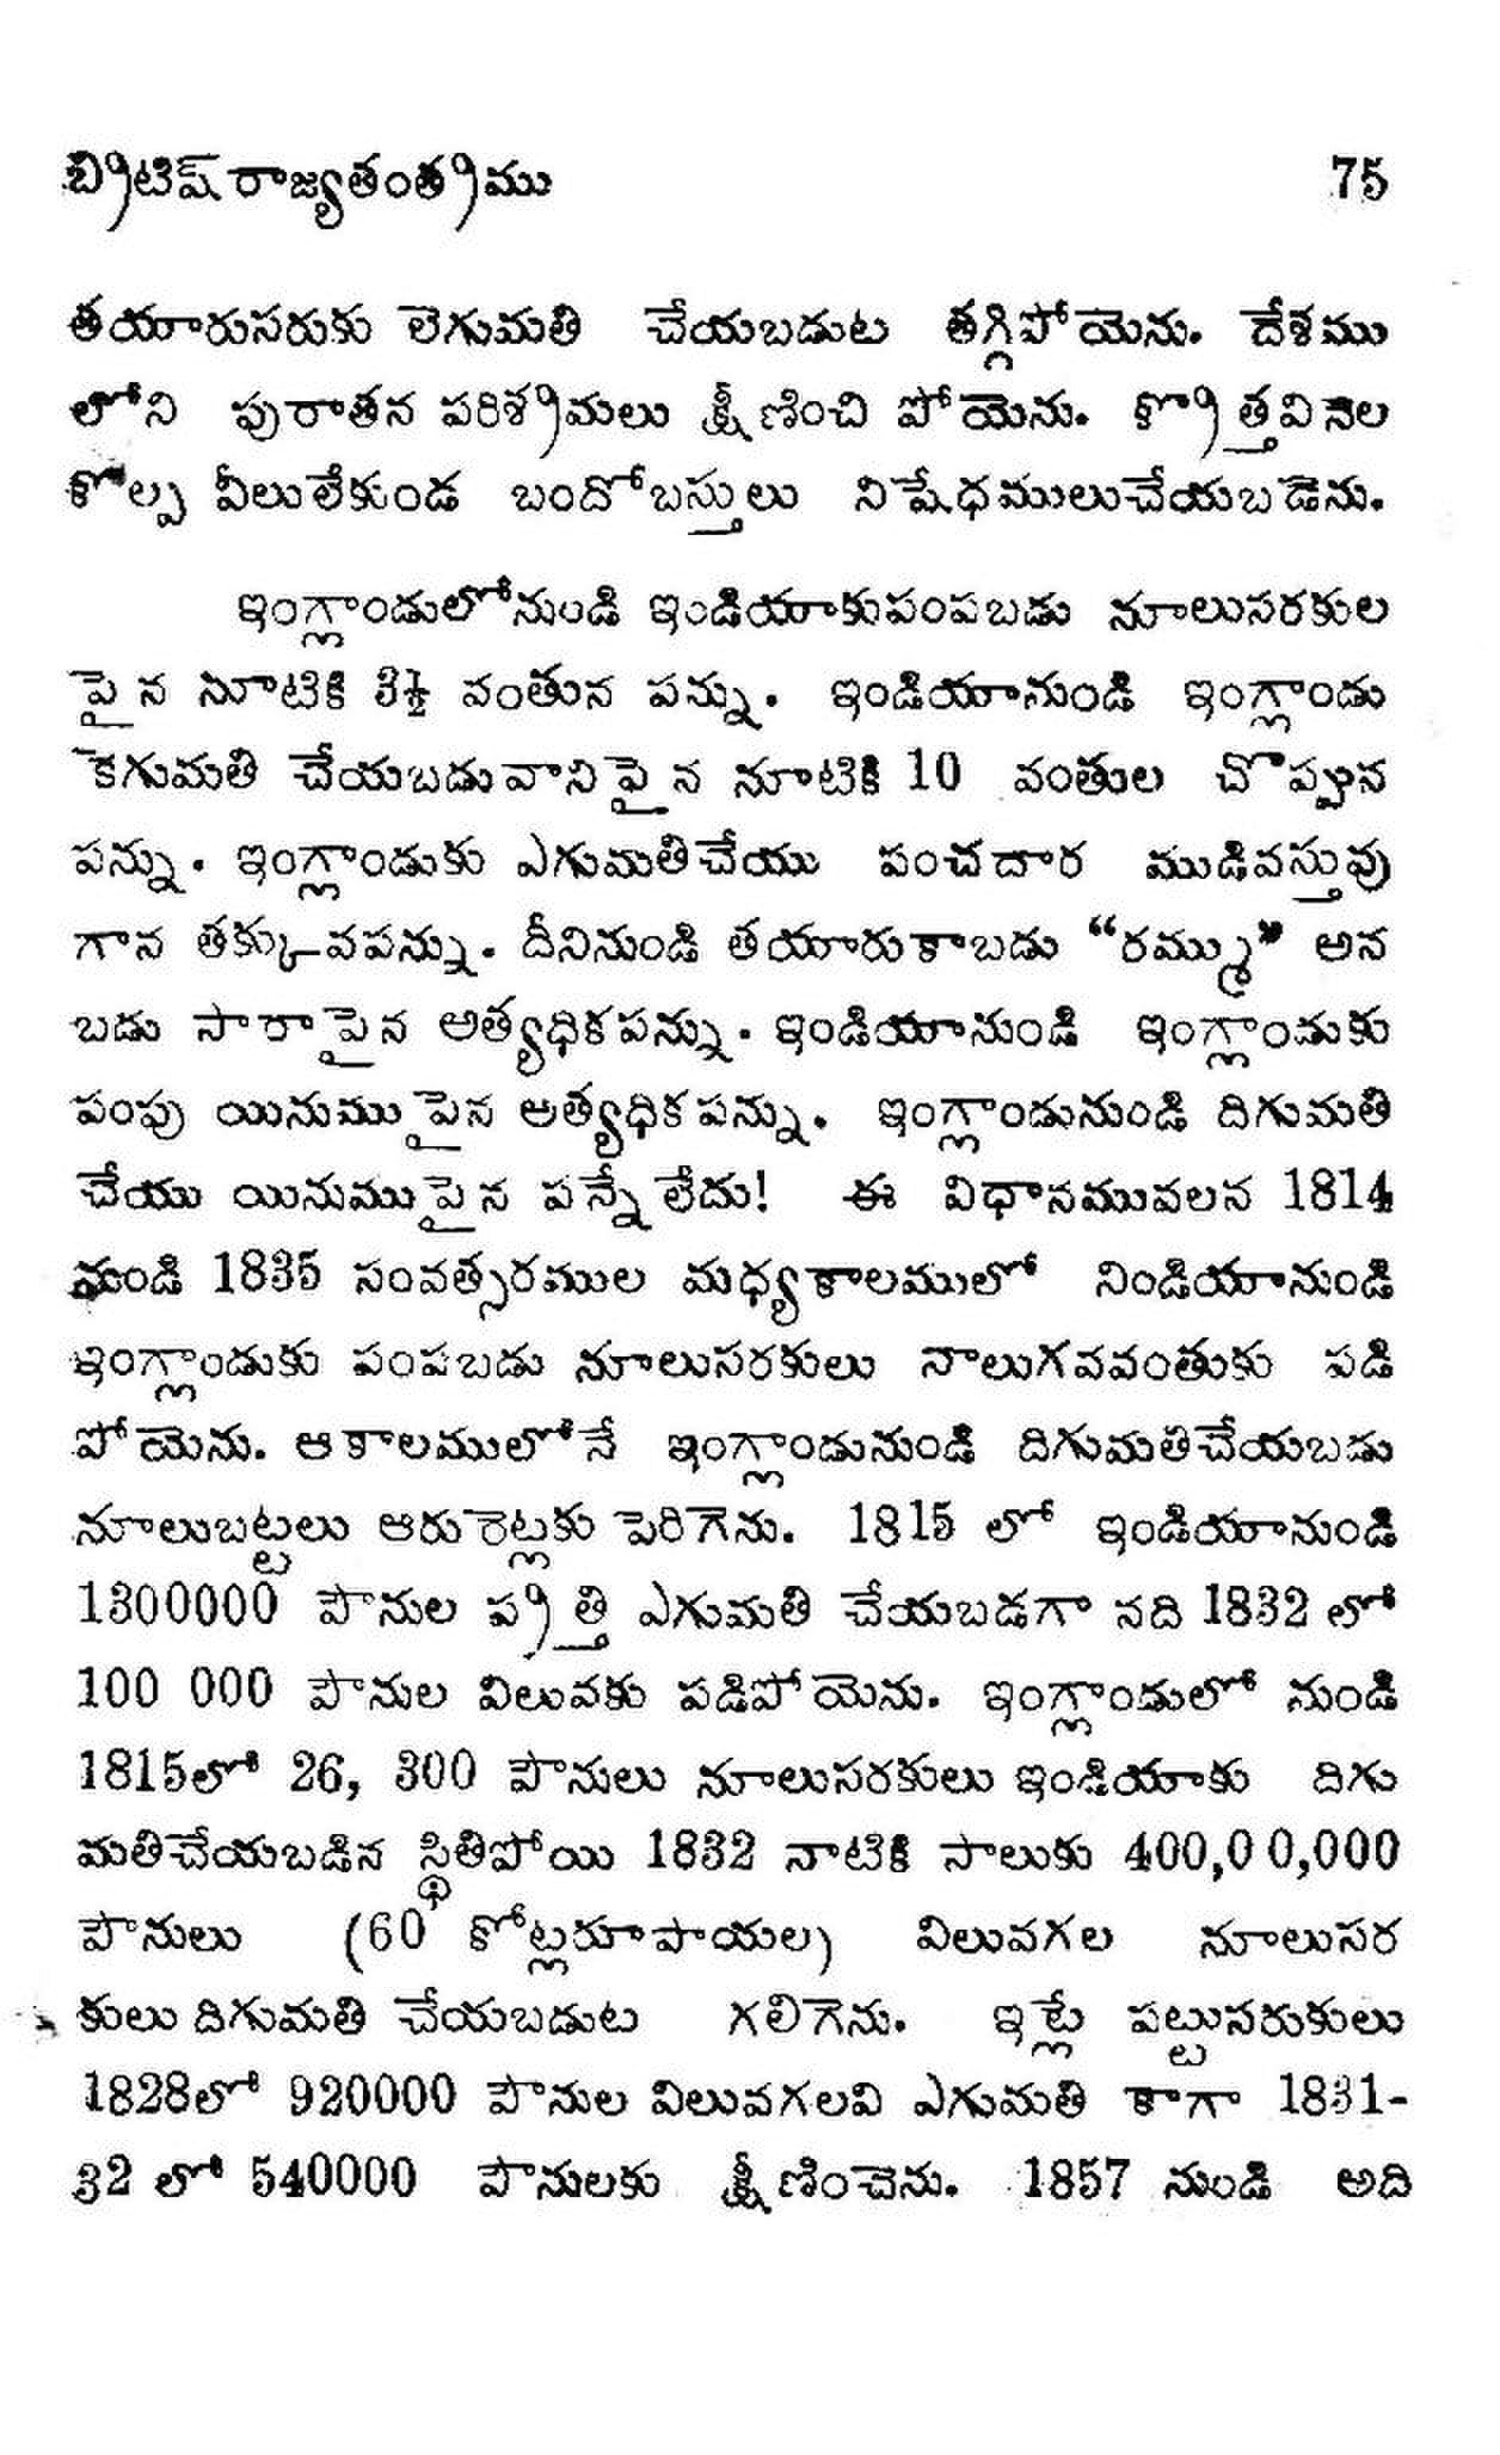తయారుసరుకు లెగుమతి చేయబడుట తగ్గిపోయెను. దేశములోని పురాతన పరిశ్రమలు క్షీణించి పోయెను. క్రొత్తవినెలకొల్ప వీలులేకుండ బందోబస్తులు నిషేధములుచేయబడెను.

ఇంగ్లాండులోనుండి ఇండియాకుపంపబడు నూలుసరకులపైన నూటికి 3 1/2 వంతున పన్ను. ఇండియానుండి ఇంగ్లాండు కెగుమతి చేయబడువానిపైన నూటికి 10 వంతుల చొప్పున పన్ను . ఇంగ్లాండుకు ఎగుమతిచేయు పంచదార ముడివస్తువుగాన తక్కువపన్ను. దీనినుండి తయారు కాబడు “రమ్ము" అనబడు సారాపైన అత్యధికపన్ను. ఇండియానుండి ఇంగ్లాండుకు పంపు యినుముపైన అత్యధికపన్ను. ఇంగ్లాండునుండి దిగుమతిచేయు యినుముపైన పన్నేలేదు! ఈ విధానమువలన 1814 నుండి 1835 సంవత్సరముల మధ్యకాలములో నిండియానుండి ఇంగ్లాండుకు పంపబడు నూలుసరకులు నాలుగవవంతుకు పడిపోయెను. ఆ కాలములోనే ఇంగ్లాండునుండి దిగుమతి చేయబడు నూలుబట్టలు ఆరురెట్లకు పెరిగెను. 1815 లో ఇండియానుండి 1300000 పౌనుల ప్రతి ఎగుమతి చేయబడగా నది 1832 లో 100 000 పౌనుల విలువకు పడిపోయెను. ఇంగ్లాండులో నుండి 1815లో 26, 300 పౌనులు నూలుసరకులు ఇండియాకు దిగుమతిచేయబడిన స్థితిపోయి 1832 నాటికి సాలుకు 400,00,000 పౌనులు (60 కోట్లరూపాయల) విలువగల నూలుసరకులు దిగుమతి చేయబడుట గలిగెను. ఇట్లే పట్టుసరుకులు 1828లో 920000 పౌనుల విలువగలవి ఎగుమతి కాగా 1831 - 32 లో 540000 పౌనులకు క్షీణించెను. 1857 నుండి అది